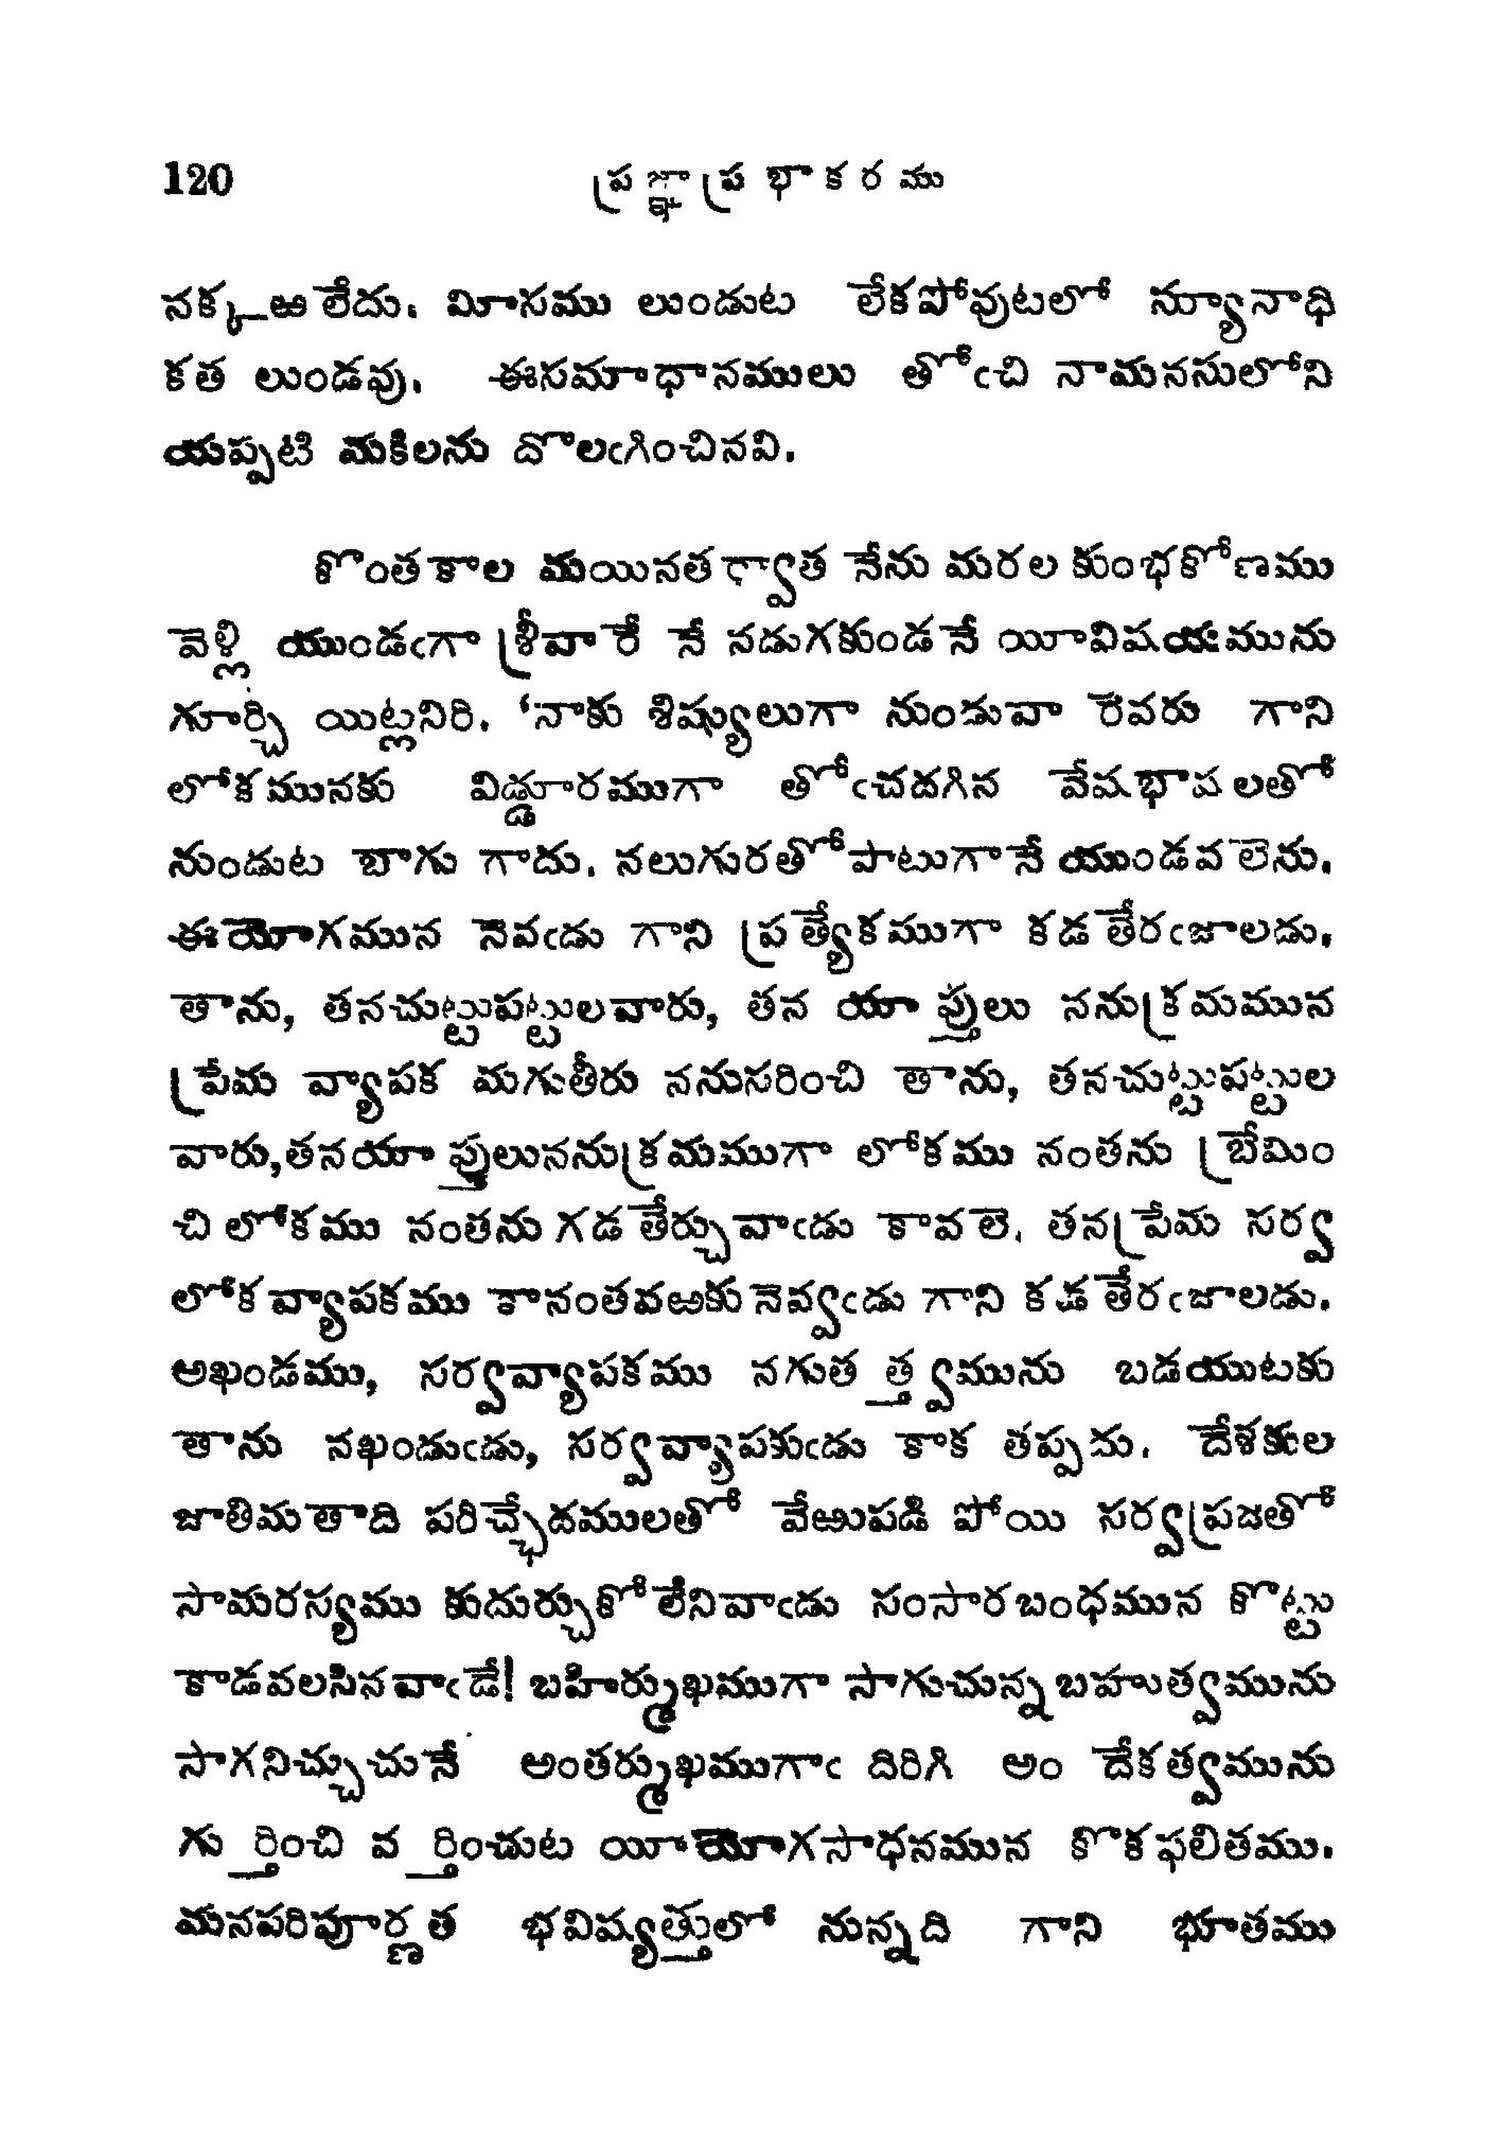నక్కఱలేదు. మీసము లుండుట లేకపోవుటలో న్యునాధికత లుండవు. ఈ సమాధానములు తోఁ చి నా మనసులోని యప్పటి మకిలను దొలఁ గించినవి.

కొంత కాలమయిన తర్వాత నేను మరల కుంభకోణము వెళ్ళి యుండఁ శ్రీ వారే నే నడుగ కుండనే యీ విషయమును గూర్చి యిట్లనిరి.' నాకు శిష్యులుగా నుండువా రెవరు గాని లోకమునకు విడ్డూరముగా తోఁచదగిన వేష భాషలతో నుండుట బాగుగాదు. నలుగురతో పాటుగానే యుండ వలెను. ఈ యోగమున నెవఁ డుగాని ప్రత్యేకముగా కడ తేరఁ జాలడు. తాను, తన చుట్టుపట్టుల వారు, తన యాప్తులు నను క్రమమున ప్రేమ వ్యాపకమగు తీరు ననుసరించి తాను, తన చుట్టుపట్టుల వారు, తన యాప్తులు నను క్రమముగా లోకము నంతను బ్రేమించి లోక మునంతను గడతేర్చు వాఁడు కావలె తన ప్రేమ సర్వలోక వ్యాపకము కానంత వఱకు నెవ్వఁడు గాని కడ తేరఁ జాలడు. ఆ ఖండము, సర్వ వ్యాపకుఁడు కాక తప్పదు. దేశకుల జాతిమతాది పరిచ్చేద ములతో వేఱు పడిపోవు సర్వ ప్రజతో సామరస్యము కుడు ర్చుకోలేని వాఁడు సంసార బంధమున కొట్టు కాడవలసినవాఁడే! బహిర్ముఖముగా సాగుచున్న బహుత్వమును సాగనిచ్చుచునే అంతర్ముఖముగాఁ దిరిగి అం దేకత్వమును గుర్తించి వర్తించుట ఈ యోగ సాధనమున కొక ఫలితము. మన పరిపూర్ణత భవిష్యత్తులో నున్నది గాని భూతము